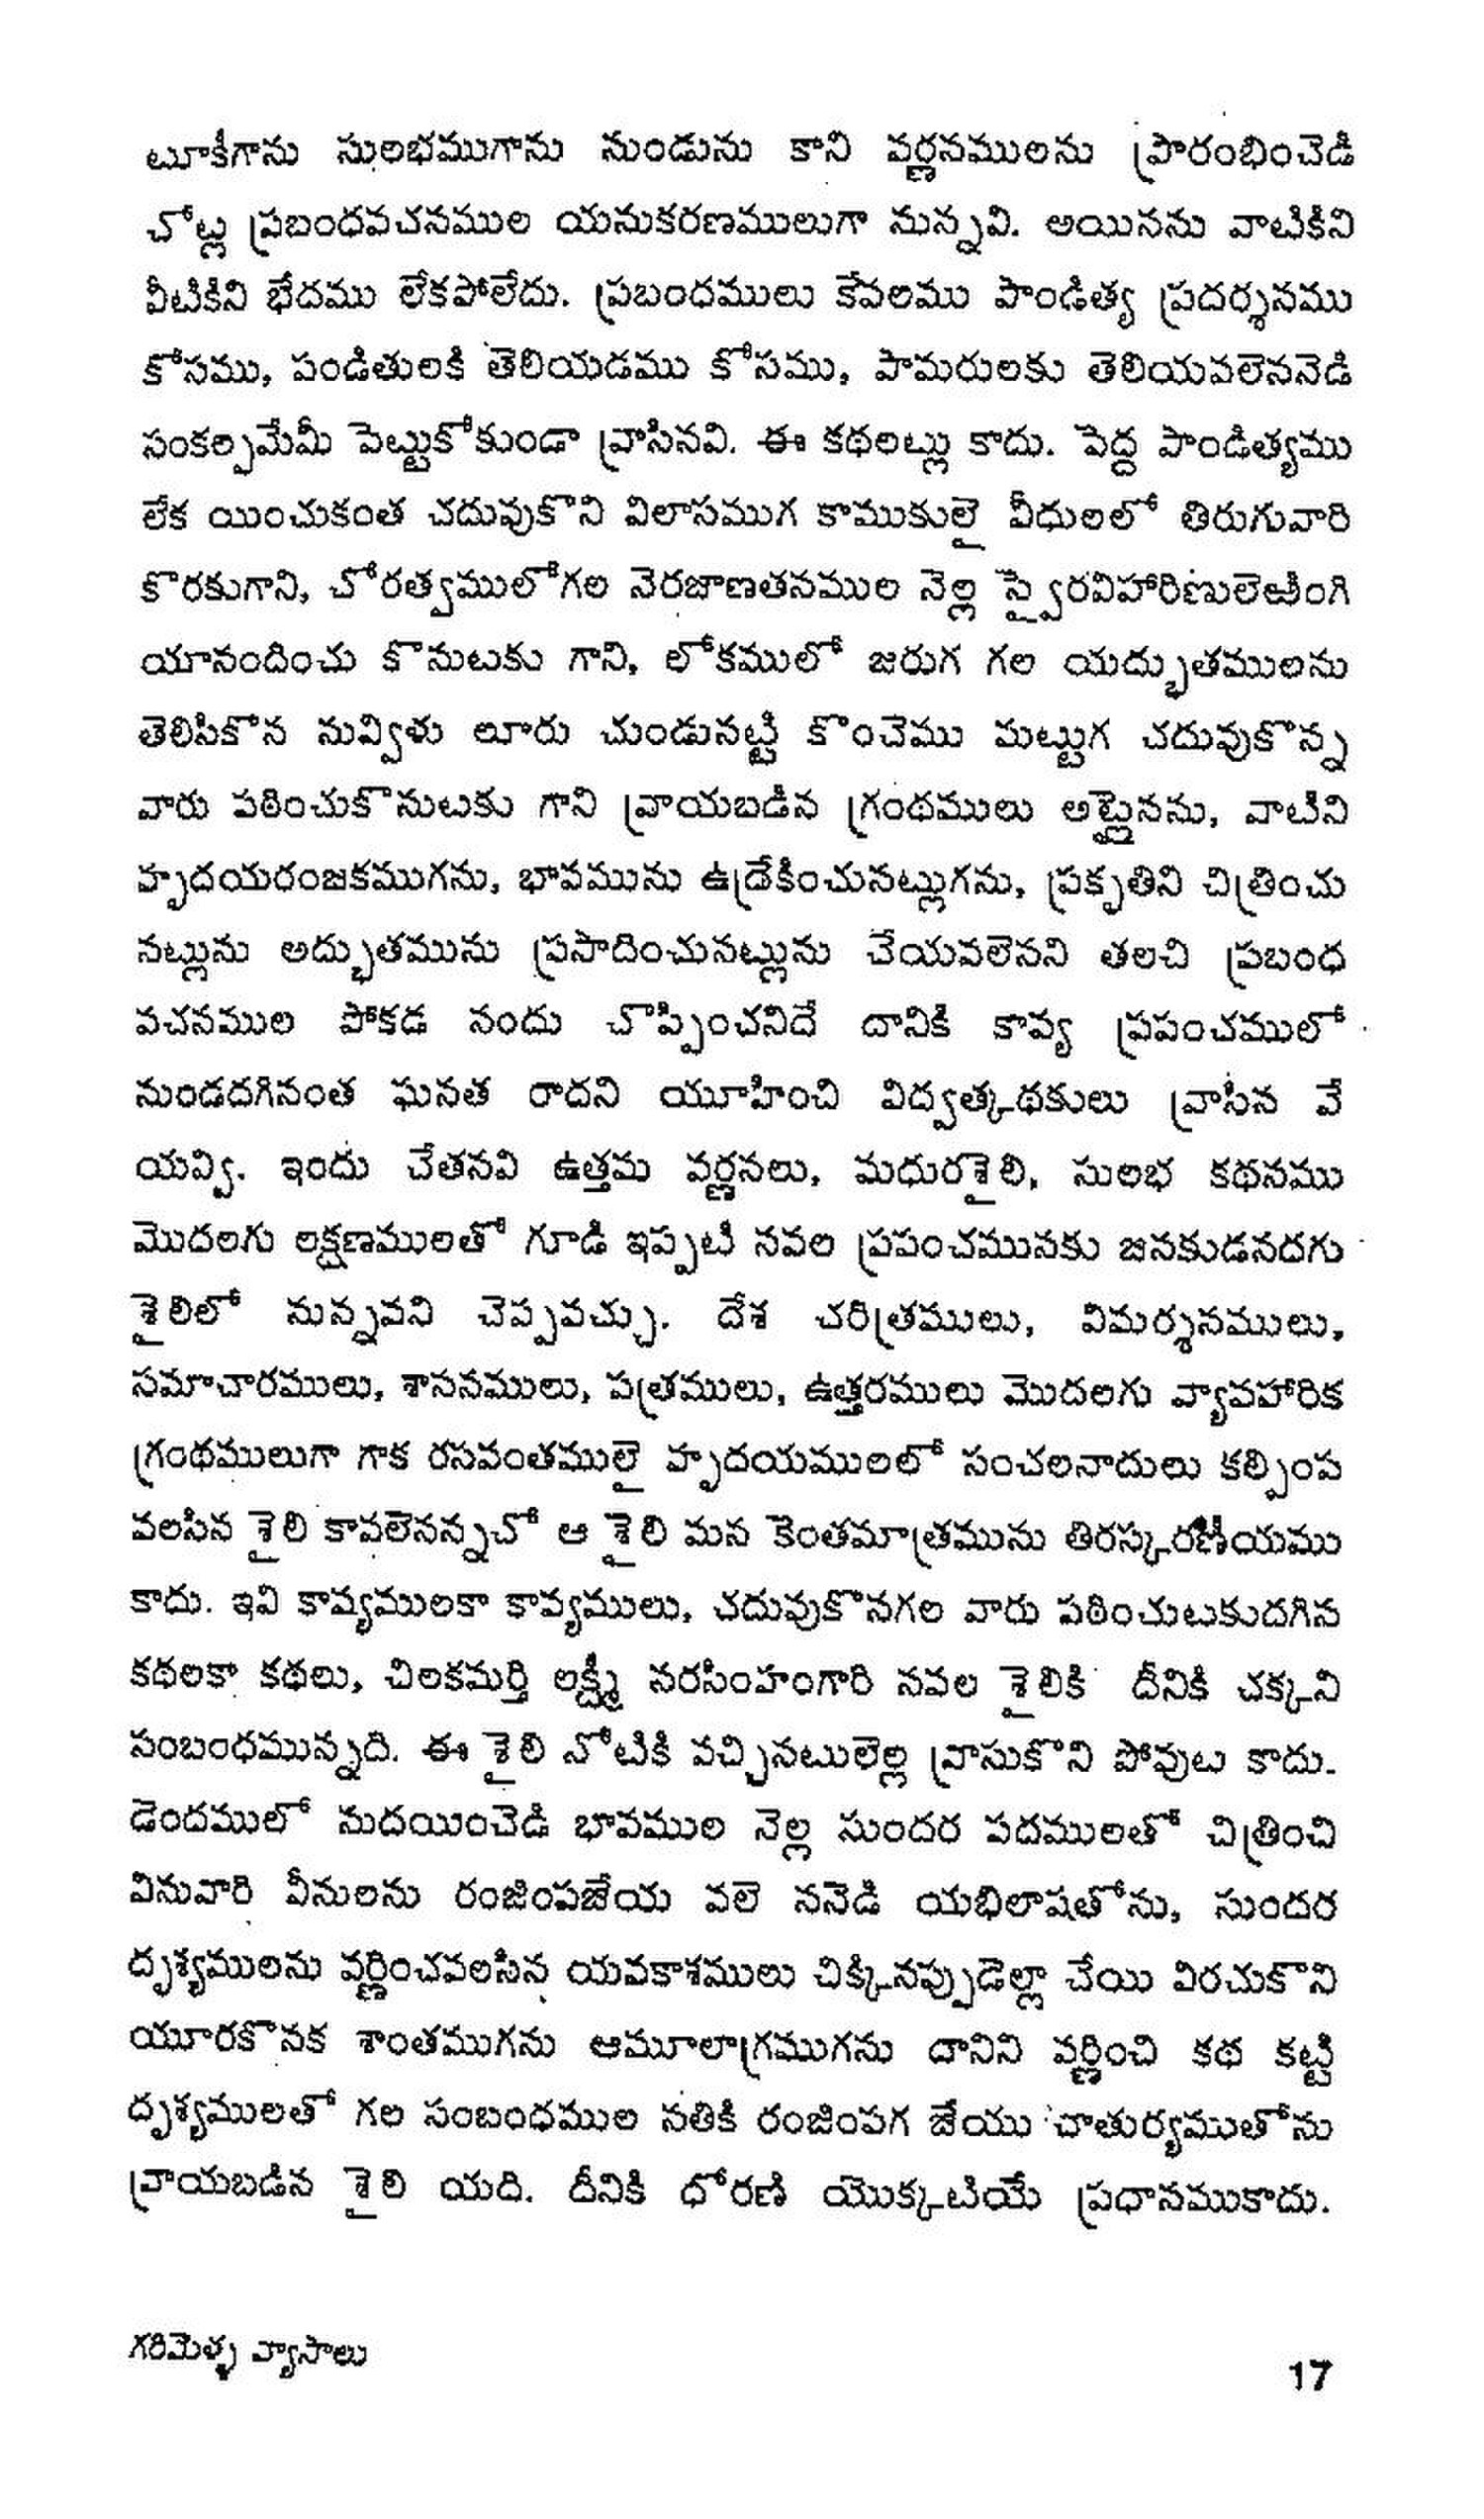టూకీగాను సులభముగాను నుండును కాని వర్ణనములను ప్రారంభించెడిచోట్ల ప్రబంధవచనముల యనుకరణములుగా నున్నవి. అయినను వాటికిని వీటికిని భేదము లేకపోలేదు. ప్రబంధములు కేవలము పాండిత్య ప్రదర్శనము కోసము, పండితులకి తెలియడము కోసము, పామరులకు తెలియవలెననెడి సంకల్పమేమీ పెట్టుకోకుండా వ్రాసినవి. ఈ కథలట్లు కాదు. పెద్ద పాండిత్యము లేక యించుకంత చదువుకొని విలాసముగ కాముకులై వీధులలో తిరుగువారి కొరకుగాని, చోరత్వములోగల నెరజాణతనముల నెల్ల స్వైరవిహారిణులెఱింగి యానందించు కొనుటకు గాని, లోకములో జరుగ గల యద్భుతములను తెలిసికొన సువ్విళు లూరు చుండునట్టి కొంచెము మట్టుగ చదువుకొన్న వారు పఠించుకొనుటకు గాని వ్రాయబడిన గ్రంథములు అట్లైనను, వాటిని హృదయరంజకముగను, భావమును ఉద్రేకించునట్లుగను, ప్రకృతిని చిత్రించు నట్లును అద్భుతమును ప్రసాదించునట్లును చేయవలెనని తలచి ప్రబంధవచనముల పోకడ నందు చొప్పించనిదే దానికి కావ్య ప్రపంచములో నుండదగినంత ఘనత రాదని యూహించి విద్వత్కథకులు వ్రాసిన వే యవ్వి. ఇందు చేతనవి ఉత్తమ వర్ణనలు, మధురశైలి, సులభ కథనము మొదలగు లక్షణములతో గూడి ఇప్పటి నవల ప్రపంచమునకు జనకుడనదగు శైలిలో నున్నవని చెప్పవచ్చు. దేశ చరిత్రములు, విమర్శనములు, సమాచారములు, శాసనములు, పత్రములు, ఉత్తరములు మొదలగు వ్యావహారిక గ్రంథములుగా గాక రసవంతములై హృదయములలో సంచలనాదులు కల్పింపవలసిన శైలి కావలెనన్నచో ఆ శైలి మన కెంతమాత్రమును తిరస్కరిణీయము కాదు. ఇవి కావ్యములకా కావ్యములు, చదువుకొనగల వారు పఠించుటకుదగిన కథలకా కథలు, చిలకమర్తి లక్ష్మీ నరసింహంగారి నవల శైలికి దీనికి చక్కని సంబంధమున్నది. ఈ శైలి నోటికి వచ్చినటులెల్ల వ్రాసుకొని పోవుట కాదు. డెందములో నుదయించెడి భావముల నెల్ల సుందర పదములతో చిత్రించి వినువారి వీనులను రంజింపజేయ వలె ననెడి యభిలాషతోను, సుందర దృశ్యములను వర్ణించవలసిన యవకాశములు చిక్కినప్పుడెల్లా చేయి విరచుకొని యూరకొనక శాంతముగను ఆమూలాగ్రముగను దానిని వర్ణించి కథ కట్టి దృశ్యములతో గల సంబధముల నతికి రంజింపగ జేయు చాతుర్యముతోను వ్రాయబడిన శైలి యది. దీనికి ధోరణి యొక్కటియే ప్రధానముకాదు.